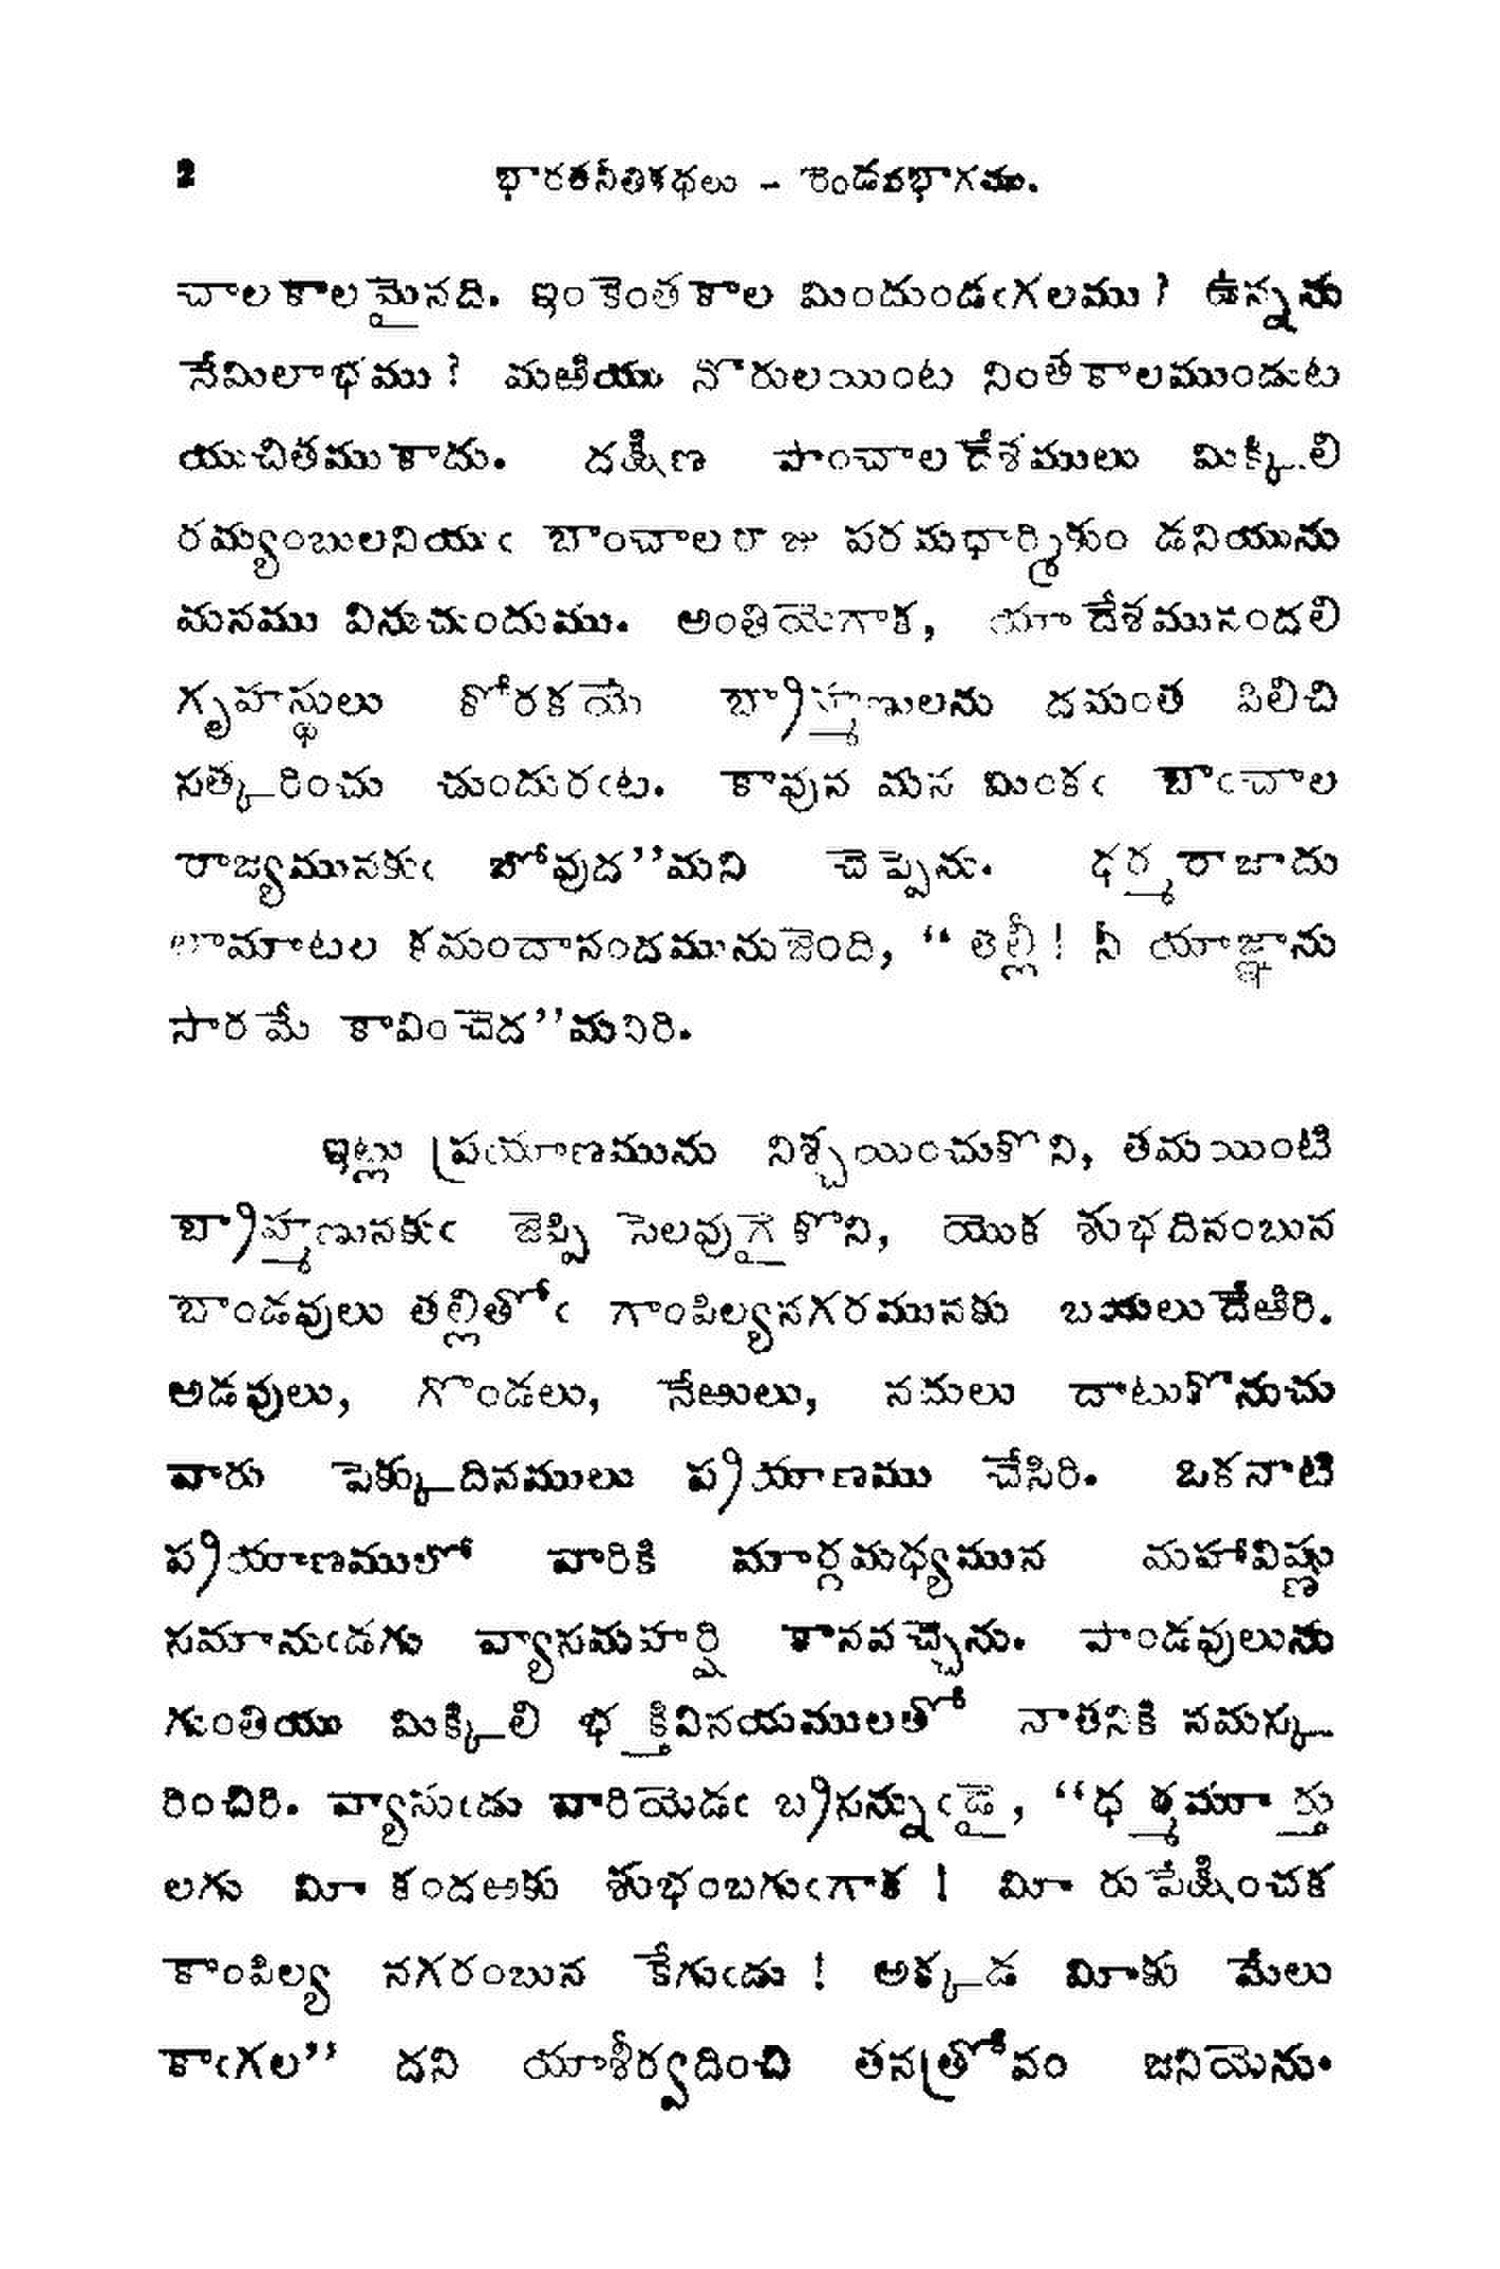చాలకాలమైనది. ఇంకెంతకాల మిందుండఁగలము? ఉన్నను నేమిలాభము ? మఱియు నొరులయింట నింతకాలముండుట యుచితముకాదు. దక్షిణ పాంచాలదేశములు మిక్కిలి రమ్యంబులనియుఁ బాంచాలరాజు పరమధార్మికుం డనియును మనము వినుచుందుము. అంతియెగాక, యా దేశమునందలి గృహస్థులు కోరకయే బ్రాహ్మణులను దమంత పిలిచి సత్కరించు చుందురఁట. కావున మన మింకఁ బాంచాల రాజ్యమునకుఁ బోవుద”మని చెప్పెను. ధర్మరాజాదు లామాటల కమందానందమునుజెంది, “తల్లీ ! నీ యాజ్ఞాను సారమే కావించెద"మనిరి.

ఇట్లు ప్రయాణమును నిశ్చయించుకొని, తమయింటి బ్రాహ్మణునకుఁ జెప్పి సెలవుగైకొని, యొక శుభదినంబున బాండవులు తల్లితోఁ గాంపిల్యనగరమునకు బయలుదేఱిరి. అడవులు, గొండలు, నేఱులు, నదులు దాటుకొనుచు వారు. పెక్కుదినములు ప్రయాణము చేసిరి. ఒకనాటి ప్రయాణములో వారికి మార్గమధ్యమున మహావిష్ణు సమానుఁడగు వ్యాసమహర్షి కానవచ్చెను. పాండవులును గుంతియు మిక్కిలి భక్తివినయములతో నాతనికి నమస్కరించిరి. వ్యాసుఁడు వారియెడఁ బసన్నుఁడై , “ధర్మమూర్తులగు మీ కందఱకు శుభంబగుఁగాక ! మీ రుపేక్షించక కాంపిల్య నగరంబున కేగుఁడు! అక్కడ మీకు మేలు కాఁగల” దని యాశీర్వదించి తనత్రోవం జనియెను.